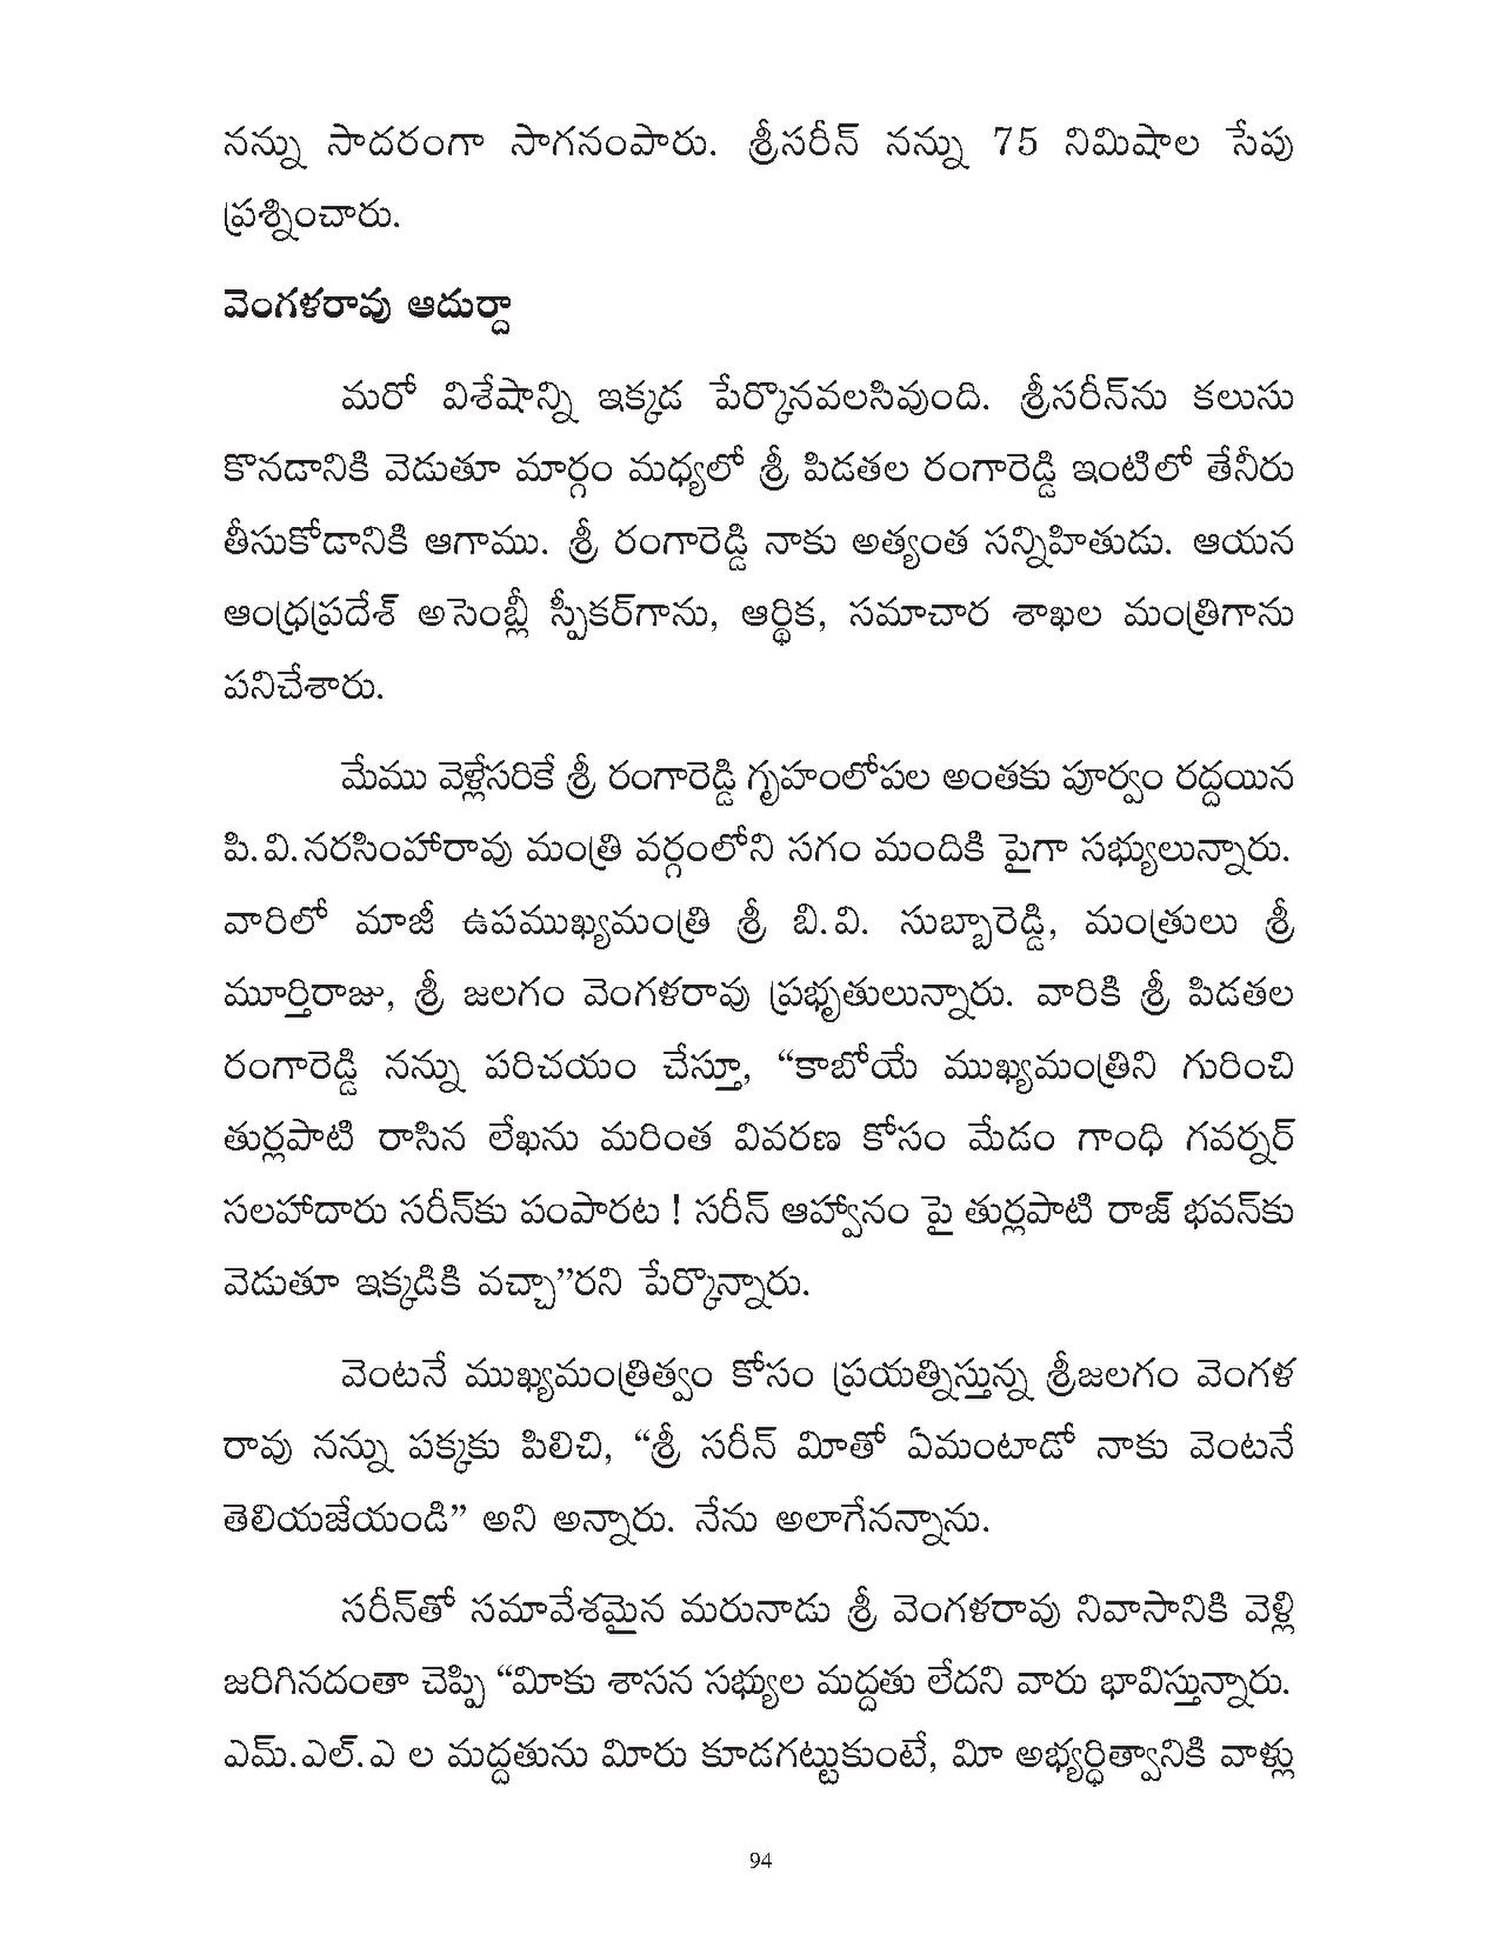నన్ను సాదరంగా సాగనంపారు. శ్రీ సరీన్‌ నన్ను 75 నిమిషాల సేపు
ప్రశ్నించారు.

వెంగళరావు ఆదుర్దా

మరో విశేషాన్ని ఇక్కడ పేర్కొనవలసివుంది. శ్రీ సరీన్‌ను కలుసు
కొనడానికి వెడుతూ మార్గం మధ్యలో శ్రీ పిడతల రంగారెడ్డి ఇంటిలో తేనీరు
తీసుకోడానికి ఆగాము. శ్రీ రంగారెడ్డి నాకు అత్యంత సన్నిహితుడు. ఆయన
ఆంధ్రప్రదేశ్‌ అసెంబ్లీ స్పీకర్‌గాను, ఆర్థిక, సమాచార శాఖల మంత్రిగాను
పనిచేశారు.

మేము వెళ్లేసరికే శ్రీ రంగారెడ్డి గృహంలోపల అంతకు పూర్వం రద్దయిన
పి.వి.నరసింహారావు మంత్రి వర్గంలోని సగం మందికి పైగా సభ్యులున్నారు.
వారిలో మాజీ ఉపముఖ్యమంత్రి శ్రీ బి.వి. సుబ్బారెడ్డి, మంత్రులు శ్రీ
మూర్తిరాజు, శ్రీ జలగం వెంగళరావు ప్రభృతులున్నారు. వారికి శ్రీ పిడతల
రంగారెడ్డి నన్ను పరిచయం చేస్తూ, "కాబోయే ముఖ్యమంత్రిని గురించి
తుర్లపాటి రాసిన లేఖను మరింత వివరణ కోసం మేడం గాంధి గవర్నర్‌
సలహాదారు సరీన్‌కు పంపారట ! సరీన్‌ ఆహ్వానం పై తుర్లపాటి రాజ్‌ భవన్‌కు
వెడుతూ ఇక్కడికి వచ్చా"రని పేర్కొన్నారు.

వెంటనే ముఖ్యమంత్రిత్వం కోసం ప్రయత్నిస్తున్న శ్రీ జలగం వెంగళ
రావు నన్ను పక్కకు పిలిచి, "శ్రీ సరీన్‌ మీతో ఏమంటాడో నాకు వెంటనే
తెలియజేయండి" అని అన్నారు. నేను అలాగేనన్నాను.

సరీన్‌తో సమావేశమైన మరునాడు శ్రీ వెంగళరావు నివాసానికి వెళ్లి
జరిగినదంతా చెప్పి "మీకు శాసన సభ్యుల మద్దతు లేదని వారు భావిస్తున్నారు.
ఎమ్‌.ఎల్‌.ఎ ల మద్దతును మీరు కూడగట్టుకుంటే, మీ అభ్యర్ధిత్వానికి వాళ్లు